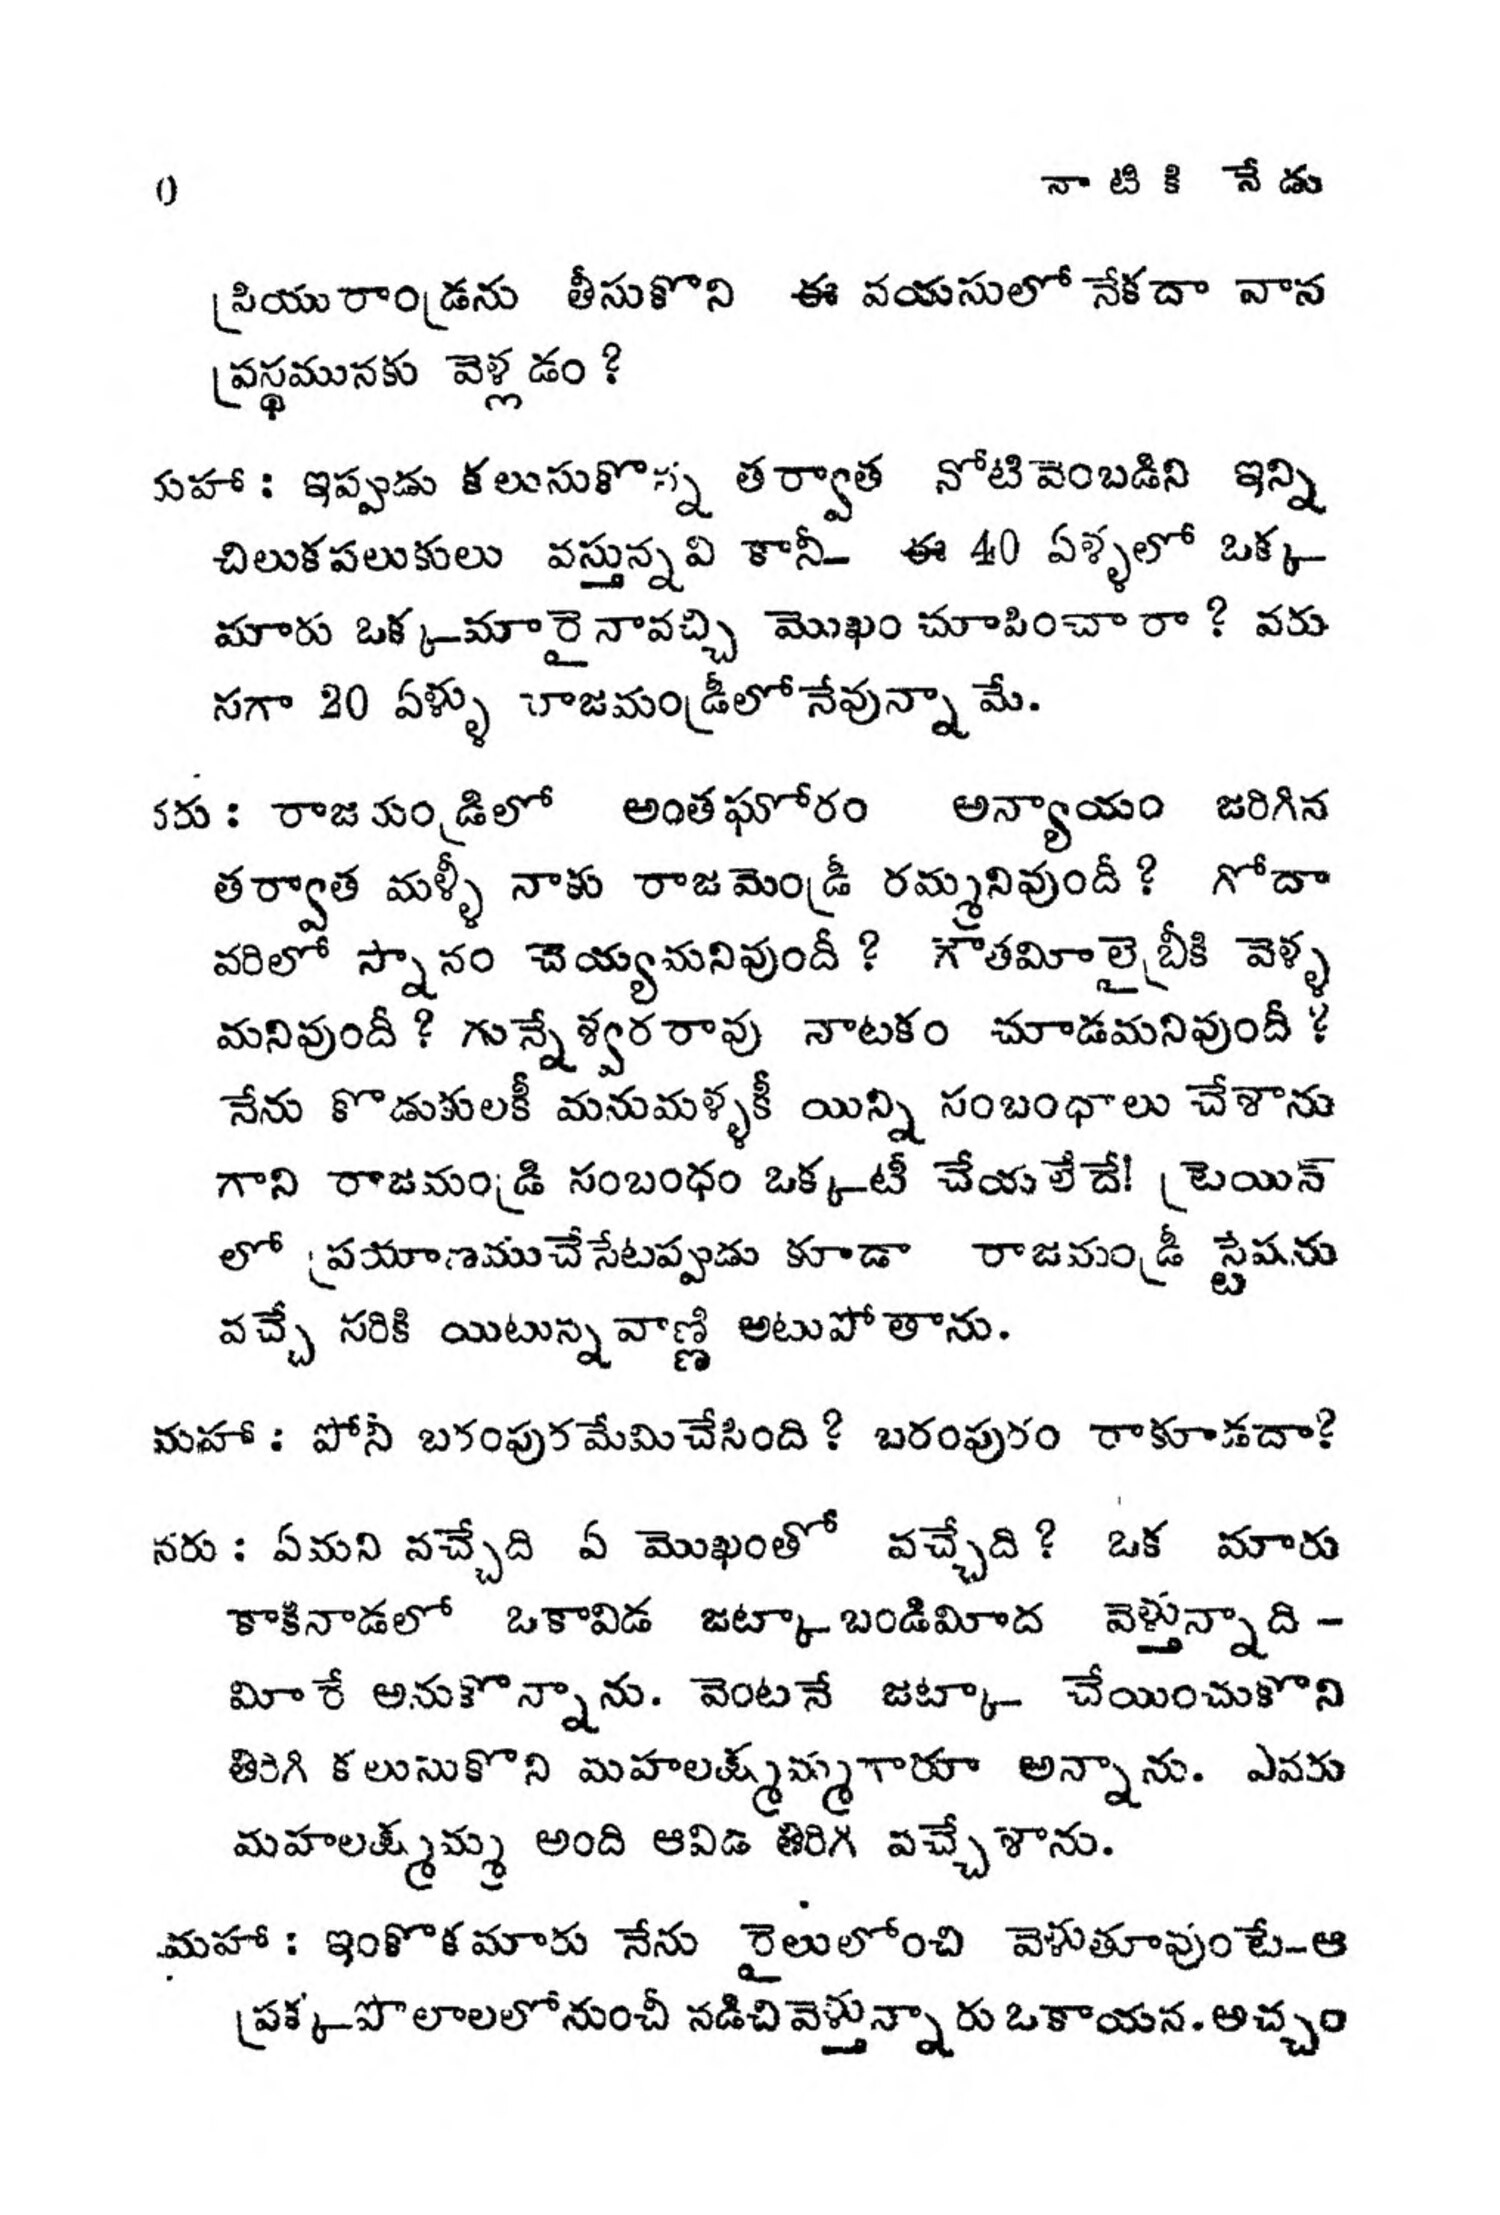ప్రియురాండ్రను తీసుకొని ఈ వయసులోనేకదా వాన ప్రస్థమునకు వెళ్లడం ?

మహా : ఇప్పుడు కలుసుకొన్న తర్వాత నోటివెంబడిని ఇన్ని చిలుకపలుకులు వస్తున్నవి కానీ ఈ 40 ఏళ్ళలో ఒక్కమారు ఒక్కమారైనావచ్చి మొఖం చూపించారా ? వరుసగా 20 ఏళ్ళు రాజమండ్రీలోనేవున్నా మే.

నరు : రాజమండ్రిలో అంతఘోరం అన్యాయం జరిగిన తర్వాత మళ్ళీ నాకు రాజమెండ్రీ రమ్మనివుందీ? గోదావరిలో స్నానం చెయ్యమనివుందీ? గౌతమీలైబ్రీకి వెళ్ళమనివుందీ? గున్నేశ్వరరావు నాటకం చూడమనివుందీ? నేను కొడుకులకీ మనుమళ్ళకీ యిన్ని సంబంధాలు చేశాను గాని రాజమండ్రి సంబంధం ఒక్కటీ చేయలేదే! ట్రెయిన్‌లో ప్రయాణముచేసేటప్పుడు కూడా రాజమండ్రీ స్టేషను వచ్చే సరికి యిటున్న వాణ్ణి అటుపోతాను.

మహా : పోనీ బరంపురమేమిచేసింది ? బరంపురం రాకూడదా?

నరు : ఏమని వచ్చేది ఏ మొఖంతో వచ్చేది ? ఒక మారు కాకినాడలో ఒకావిడ జట్కాబండిమీద వెళ్తున్నాది -
మీరే అనుకొన్నాను. వెంటనే జట్కా వేయించుకొని తిరిగి కలుసుకొని మహలక్ష్మమ్మగారూ అన్నాను. ఎవరు
మహలక్ష్మమ్మ అంది ఆవిడ తిరిగి వచ్చేశాను.

మహా : ఇంకొకమారు నేను రైలులోంచి వెళుతూ వుంటే - ఆ ప్రక్కపొలాలలోనుంచీ నడిచివెళ్తున్నారు ఒకాయన. అచ్చం